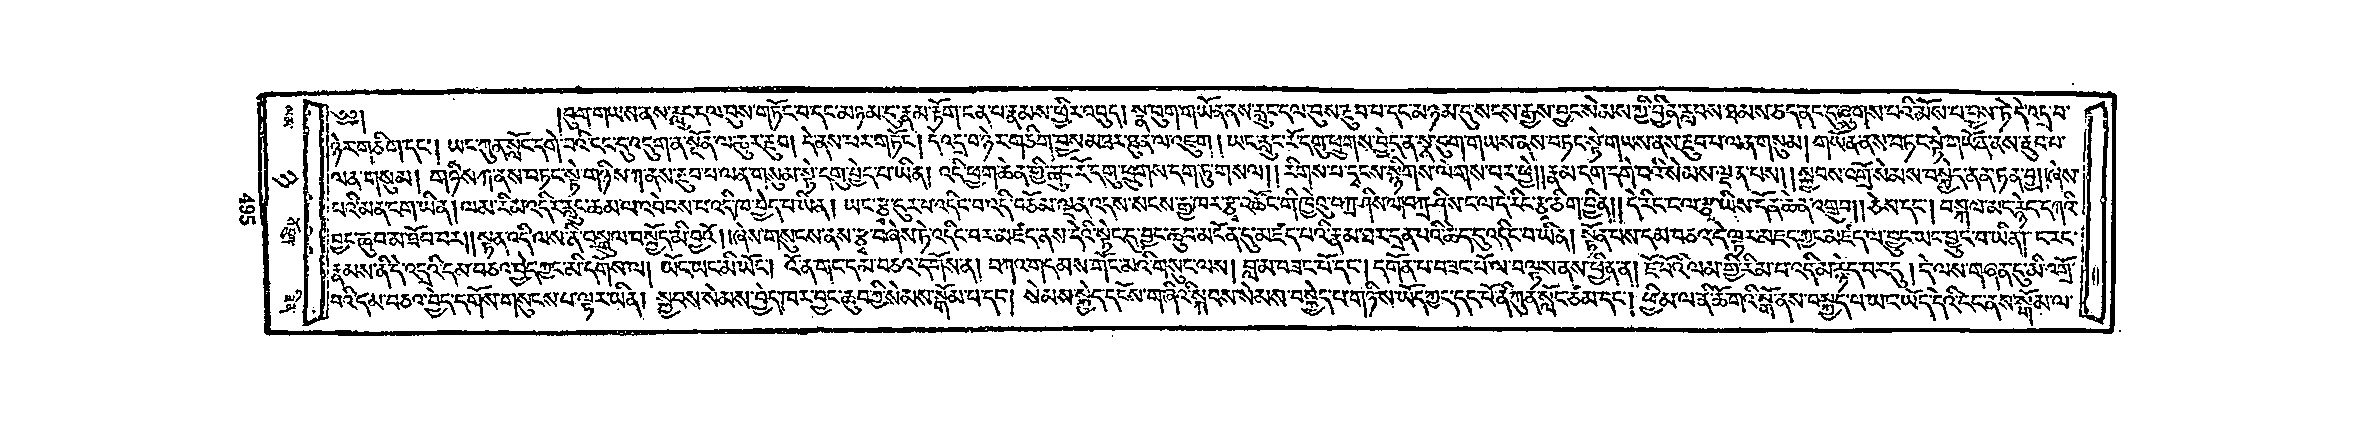༄༅། །བུག་གཡས་ནས་རླུང་དལ་བུས་གཏོང་བ་དང་མཉམ་དུ་རྣམ་རྟོག་ངན་པ་རྣམས་ཕྱིར་འབུད། སྣ་བུག་གཡོན་ནས་རླུང་དལ་བུས་རྡུབ་བ་དང་མཉམ་དུ་སངས་རྒྱས་བྱང་སེམས་ཀྱི་བྱིན་རླབས་ཐམས་ཅད་ནང་དུ་ཞུགས་པའི་མོས་པ་བྱས་ཏེ་དེ་འདྲ་བ་
ཉེར་གཅིག་དང་། ཡང་ཀུན་སློང་དགེ་བའི་ངང་དུ་འདུག་ན་སྔོན་ལ་ཆུར་རྔུབ། དེ་ནས་པར་གཏོང་། དེ་འདྲ་བ་ཉེར་གཅིག་བྱས་མཐར་ཐུན་ལ་འཇུག །ཡང་རླུང་རོ་དགུ་ཕྲུགས་བྱེད་ན་སྣ་བུག་གཡས་ནས་བཏང་སྟེ་གཡས་ནས་རྔུབ་པ་ལན་གསུམ། གཡོན་ནས་བཏང་སྟེ་གཡོན་ནས་ངུབ་པ་
ལན་གསུམ། གཉིས་ཀ་ནས་བཏང་སྟེ་གཉིས་ཀ་ནས་རྔུབ་པ་ལན་གསུམ་སྟེ་དགུ་བྱེད་པ་ཡིན། འདི་ཕྱག་ཆེན་གྱི་ཆུང་རོ་དགུ་ཕྲུགས་དག་ཏུ་གསལ། །རིགས་པ་དྭངས་སྙིགས་ལེགས་པར་ཕྱེ། །རྣམ་དག་དགེ་བའི་སེམས་ལྡན་པས། །སྐྱབས་འགྲོ་སེམས་བསྐྱེད་ནན་ཏན་བྱ། །ཞེས་
པའི་མན་ངག་ཡིན། ལམ་རིམ་འདིར་རླུང་ཆམ་ལ་འབེབས་པ་འདི་ཁ་བྱེད་པ་ཡིན། ཡང་རྩྭ་དུར་པ་འདིང་བ་འདི་བཅོམ་ལྡན་འདས་སངས་རྒྱ་ཁར་རྩྭ་འཚོང་གི་ཁྱེའུ་བཀྲ་ཤིས་ལ། བཀྲ་ཤིས་ང་ལ་དེ་རིང་རྩྭ་ཅིག་བྱིན། །དེ་རིང་ང་ལ་རྩྭ་ཡིས་དོན་ཆེན་འགྲུབ། །ཅེས་དང་། བསྐལ་མང་རྙེད་དཀའི་
བྱང་ཆུབ་མ་ཐོབ་པར། །སྟན་འདི་ལས་ནི་བསྒུལ་བསྐྱོད་མི་བྱའོ། །ཞེས་གསུངས་ནས་རྩྭ་བཞེས་ཏེ་འདིང་བར་མཛད་ནས་དེའི་སྟེང་དུ་བྱང་ཆུབ་མངོན་དུ་མཛད་པའི་རྣམ་ཐར་དྲན་པའི་ཆེད་དུ་འདིང་བ་ཡིན། སྟོན་པས་དམ་བཅའ་དེ་ལྟར་མཛད་ཀྱང་མཛད་ལ་བྱུང་ཡང་བྱུང་བ་ཡིན། ང་རང་
རྣམས་ནི་དེ་འདྲའི་དམ་བཅའ་བྱེད་ཀྱང་མི་དགོས་ལ། ཡོང་ཡང་མི་ཡོང་། འོ་ན་གང་དམ་བཅའ་དགོས་ན། བཀའ་གདམས་གོང་མའི་གསུང་ལས། བླ་མ་བཟང་པོ་དང་། དགོན་པ་བཟང་པོ་ལ་བལྟས་ནས་ཕྱིན་ན། ཇོ་བོའི་ལམ་གྱི་རིམ་པ་འདི་མ་རྙེད་བར་དུ། དེ་ལས་གཞན་དུ་མི་འགྲོ་
བའི་དམ་བཅའ་བྱེད་དགོས་གསུངས་པ་ལྟར་ཡིན། སྐྱབས་སེམས་བྱེད་ཁར་བྱང་ཆུབ་ཀྱི་སེམས་སྒོམ་པ་དང་། སེམས་སྐྱེད་དངོས་གཞིའི་སྐབས་སེམས་བསྐྱེད་པ་གཉིས་ཡོད་ཀྱང་དང་པོ་ནི་ཀུན་སློང་ཙམ་དང་། ཕྱི་མ་ལ་ནི་ཆོ་གའི་སྒོ་ནས་བསྐྱད་པ་ཡང་ཡོད་དེའི་ངང་ནས་སྒོམ་ལ་